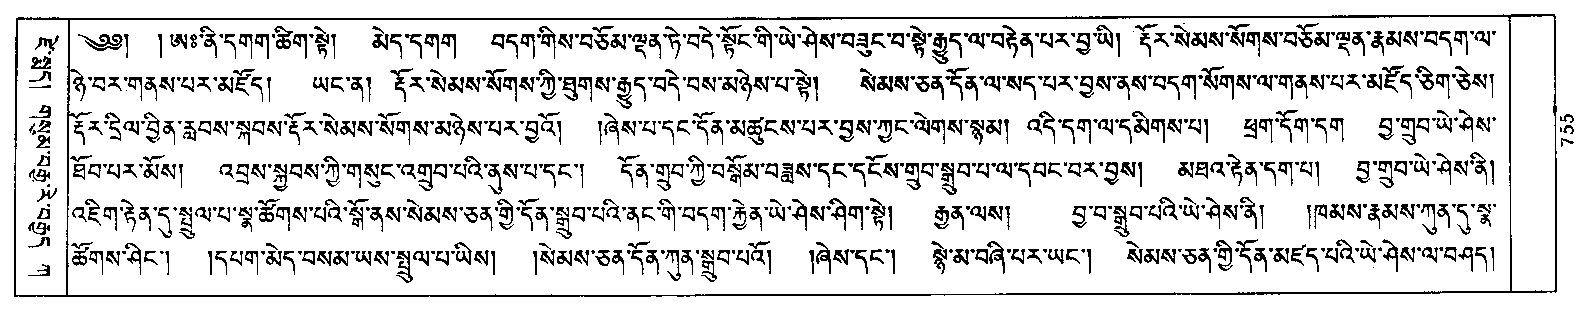༄༅། །ཨཿ ནི་དགག་ཚིག་སྟེ། མེད་དགག་བདག་གིས་བཅོམ་ལྡན་ཏེ་བདེ་སྟོང་གི་ཡེ་ཤེས་བཟུང་བ་སྟེ་རྒྱུད་ལ་བརྟེན་པར་བྱ་ཡི། རྡོར་སེམས་སོགས་བཅོམ་ལྡན་རྣམས་བདག་ལ་
ཉེ་བར་གནས་པར་མཛོད། ཡང་ན། རྡོར་སེམས་སོགས་ཀྱི་ཐུགས་རྒྱུད་བདེ་བས་མཉེས་པ་སྟེ། སེམས་ཅན་དོན་ལ་སད་པར་བྱས་ནས་བདག་སོགས་ལ་གནས་པར་མཛོད་ཅིག་ཅེས།
རྡོར་དྲིལ་བྱིན་རླབས་སྐབས་རྡོར་སེམས་སོགས་མཉེས་པར་བྱའོ། །ཞེས་པ་དང་དོན་མཚུངས་པར་བྱས་ཀྱང་ལེགས་སྙམ། འདི་དག་ལ་དམིགས་པ། ཕྲག་དོག་དག་བྱ་གྲུབ་ཡེ་ཤེས་
ཐོབ་པར་མོས། འབྲས་སྐྱབས་ཀྱི་གསུང་འགྲུབ་པའི་ནུས་པ་དང་། དོན་གྲུབ་ཀྱི་བསྒོམ་བཟླས་དང་དངོས་གྲུབ་སྒྲུབ་པ་ལ་དབང་བར་བྱས། མཐའ་རྟེན་དག་པ། བྱ་གྲུབ་ཡེ་ཤེས་ནི།
འཇིག་རྟེན་དུ་སྤྲུལ་པ་སྣ་ཚོགས་པའི་སྒོ་ནས་སེམས་ཅན་གྱི་དོན་སྒྲུབ་པའི་ནང་གི་བདག་རྐྱེན་ཡེ་ཤེས་ཤིག་སྟེ། རྒྱན་ལས། བྱ་བ་སྒྲུབ་པའི་ཡེ་ཤེས་ནི། །ཁམས་རྣམས་ཀུན་དུ་སྣ་
ཚོགས་ཤིང་། །དཔག་མེད་བསམ་ཡས་སྤྲུལ་པ་ཡིས། །སེམས་ཅན་དོན་ཀུན་སྒྲུབ་པའོ། །ཞེས་དང་། སྙེ་མ་བཞི་པར་ཡང་། སེམས་ཅན་གྱི་དོན་མཛད་པའི་ཡེ་ཤེས་ལ་བཤད།